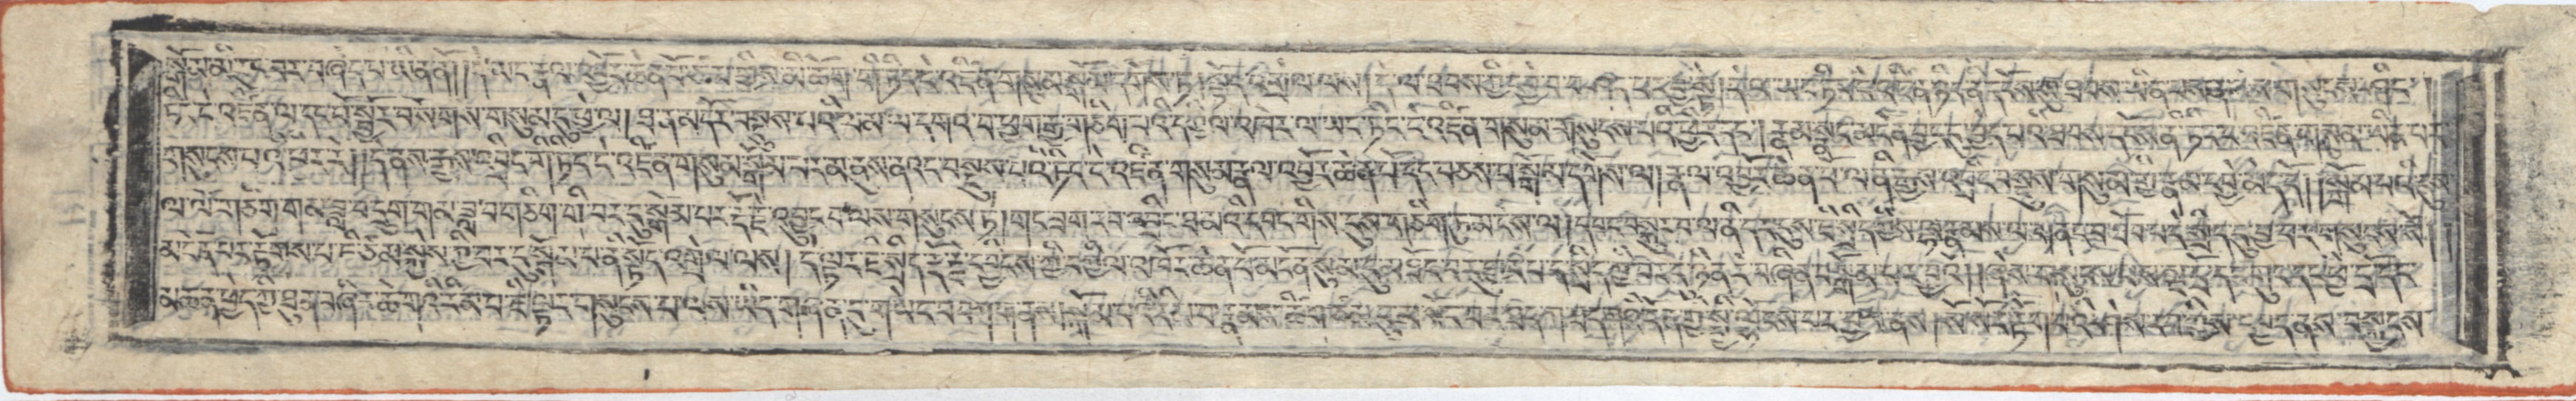སྒོམ་མི་རུང་བར་བཞེད་པ་ཡིན་ནོ། །དེ་ཡང་རྣལ་འབྱོར་ཆེན་པོ་ཙམ་གྱིས་མི་ཆོག་གི་ཏིང་ངེ་འཛིན་གསུམ་སྒོམ་དགོས་ཏེ། སྟོད་འགྲེལ་ལས། དེ་ལ་ཐབས་ཀྱི་དབྱེ་བ་བཤད་པར་བྱ་སྟེ། དེ་ལ་ཡང་ཏིང་ངེ་འཛིན་ཉིད་ནི་དངོས་སུ་ཐབས་ཡིན་པས་ན་ཞེས་གསུངས་ཤིང་།
ཏིང་ངེ་འཛིན་ལ་དང་པོ་སྦྱོར་བ་སོགས་གསུམ་དུ་ཕྱེ་ལ། ཐ་ན་མདོར་བསྡུས་པའི་ལམ་ལ་དགའ་བ་ཕྱག་རྒྱ་གཅིག་པའི་དཀྱིལ་འཁོར་ལ་ཡང་ཏིང་ངེ་འཛིན་གསུམ་གསུངས་པའི་ཕྱིར་དང་། རྣམ་སྣང་མངོན་བྱང་དུ་བྱེད་པའི་ཐབས་དངོས་ནི་ཏིང་ངེ་འཛིན་གསུམ་ཡིན་པར་
གསུངས་པའི་ཕྱིར་རོ། །དེ་ནས་རྒྱས་འབྲིང་གི་ཏིང་ངེ་འཛིན་གསུམ་སྒོམ་པར་མ་ནུས་ནའང་བསྡུས་པའི་ཏིང་ངེ་འཛིན་གསུམ་རྣལ་འབྱོར་ཆེན་པོ་དང་བཅས་པ་སྒོམ་དགོས་ལ། རྣལ་འབྱོར་ཆེན་པོ་ལ་ནི་རྒྱས་འབྲིང་བསྡུས་གསུམ་གྱི་རྣམ་དབྱེ་མེད་དོ། །སྒོམ་པའི་དུས་
ལ་ལོ་གཅིག་གམ་ཟླ་བ་དྲུག་གམ་ཟླ་བ་གཅིག་གི་བར་དུ་སྒོམ་པར་རྡོ་རྗེ་འབྱུང་བ་ལས་གསུངས་ཏེ། གང་ཟག་རབ་འབྲིང་ཐ་མའི་དབང་གིས་དུས་གཅིག་ཏུ་མ་ངེས་ལ། དབང་བསྐུར་བ་ལ་ནི་དར་དུས་ཇི་སྲིད་ཀྱིས་ལྷ་རྣམས་ལ་གནང་བ་ཐོབ་པ་དེ་སྲིད་དུ་བྱ་བར་གསུངས་སོ། །
མངོན་པར་རྟོགས་པ་ཇི་ཙམ་སྐྱེས་ཀྱི་བར་དུ་སྒོམ་པ་ནི་སྟོད་འགྲེལ་ལས། དེ་ལྟར་ཇི་སྲིད་རྡོ་རྗེ་དབྱིངས་ཀྱི་དཀྱིལ་འཁོར་ཆེན་པོ་མངོན་སུམ་དུ་མཐོང་བར་གྱུར་པ་དེ་སྲིད་ཀྱི་བར་དུ་ཉིན་རེ་བཞིན་བསྒོམ་པར་བྱའོ། །ཞེས་གསུངས་པས་སྔ་དྲོ་དང་གུང་དང་ཕྱི་དྲོ་དང་
མཚན་ཕྱེད་ཀྱི་ཐུན་བཞིར་ཆེ་གའི་རིམ་པ་ཇི་ལྟར་གསུངས་པ་ལས་ཡིད་གཞན་དུ་གཡེང་བ་བཀག་ནས། སྒོམ་པའི་རིམ་བ་རྣམས་ཚིག་ཙམ་དུ་མ་སོང་བར་ཐད་ཀ་ཐད་ཀའི་དོན་གྱི་སྤྱི་ལྷོངས་པར་བྱས་ནས། སོ་སོར་རྟོག་པའི་ཤེས་རབ་ཀྱིས་དཔྱད་ནས་བསྐྱངས་